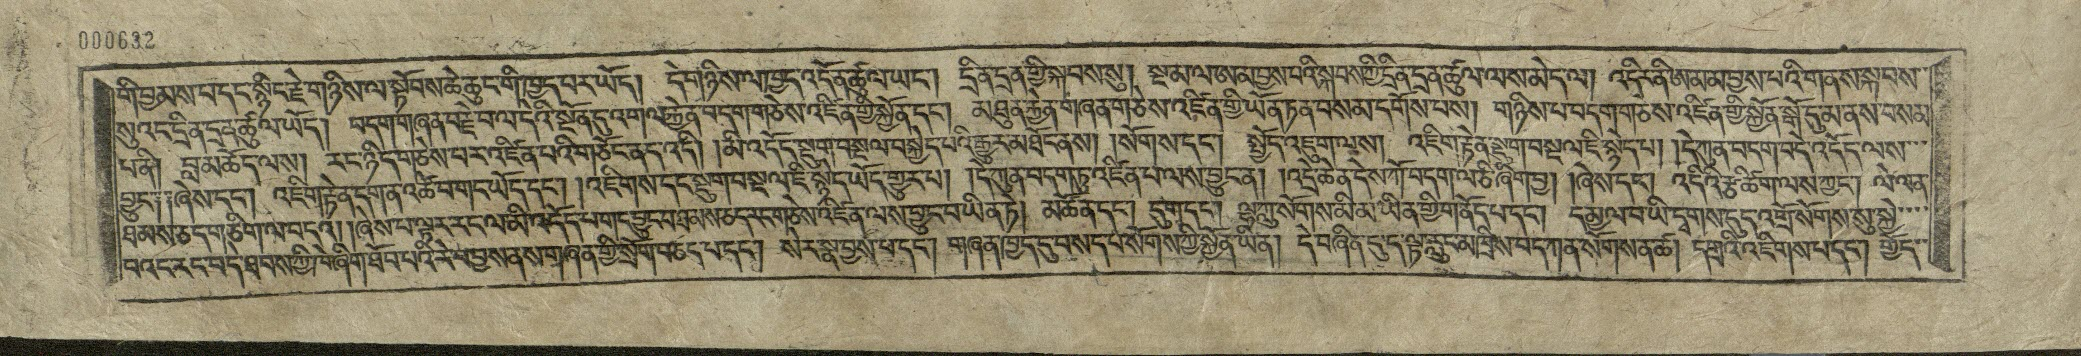གི་བྱམས་པ་དང་སྙིང་རྗེ་གཉིས་ལ་སྟོབས་ཆེ་ཆུང་གི་ཁྱད་པར་ཡོད། དེ་གཉིས་ལ་ཁྱད་འདོན་ཚུལ་ཡང་། དྲིན་དྲན་གྱི་སྐབས་སུ། སྔ་མ་ལ་ཨ་མ་བྱས་པའི་སྐབས་ཀྱི་དྲིན་དྲན་ཚུལ་ལས་མེད་ལ། འདིར་ནི་ཨ་མ་མ་བྱས་པའི་གནས་སྐབས་
སུའང་དྲིན་དྲན་ཚུལ་ཡོད། བདག་གཞན་བརྗེ་བ་ལ་དེའི་སྔོན་དུ་འགལ་རྐྱེན་བདག་གཅེས་འཛིན་གྱི་སྐྱོན་དང་། མཐུན་རྐྱེན་གཞན་གཅེས་འཛིན་གྱི་ཡོན་ཏན་བསམ་དགོས་པས། གཉིས་པ་བདག་གཅེས་འཛིན་གྱི་སྐྱོན་སྒོ་དུ་མ་ནས་བསམ་
པ་ནི། བླ་མཆོད་ལས། རང་ཉིད་གཅེས་པར་འཛིན་པའི་གཅོང་ནད་འདི། །མི་འདོད་སྡུག་བསྔལ་བསྐྱེད་པའི་རྒྱུར་མཐོང་ནས། །སོགས་དང་། སྤྱོད་འཇུག་ལས། འཇིག་རྟེན་སྡུག་བསྔལ་ཇི་སྙེད་པ། །དེ་ཀུན་བདག་བདེ་འདོད་ལས་
བྱུང༑ ༑ཞེས་དང་། འཇིག་རྟེན་དག་ན་འཚེ་བ་གང་ཡོད་དང་། །འཇིགས་དང་སྡུག་བསྔལ་ཇི་སྙེད་ཡོད་གྱུར་པ། །དེ་ཀུན་བདག་ཏུ་འཛིན་པ་ལས་བྱུང་ན། །འདྲེ་ཆེན་དེས་ཀོ་བདག་ལ་ཅི་ཞིག་བྱ། །ཞེས་དང་། འདིའི་རྩ་ཚིག་ལས་ཀྱང་། ལེ་ལན་
ཐམས་ཅད་གཅིག་ལ་བདའ། །ཞེས་པ་ལྟར་རང་ལ་མི་འདོད་པ་གང་བྱུང་བ་ཐམས་ཅད་རང་གཅེས་འཛིན་ལས་བྱུང་བ་ཡིན་ཏེ། མཚོན་དང་། དུག་དང་། ལྷ་ཀླུ་སོགས་མི་མ་ཡིན་གྱི་གནོད་པ་དང་། དམྱལ་བ་ཡི་དྭགས་དུད་འགྲོ་སོགས་སུ་སྐྱེ་
བའང་རང་བདེ་ཐབས་ཀྱི་ཁེ་ཞིག་ཐོབ་པའི་རེ་བ་བྱས་ནས་གཞན་གྱི་སྲོག་བཅད་པ་དང་། སེར་སྣ་བྱས་པ་དང་། གཞན་ཁྱད་དུ་བསད་པ་སོགས་ཀྱི་སྐྱོན་ཡིན། དེ་བཞིན་དུ་ད་ལྟ་རླུང་མཁྲིས་བད་ཀན་སོགས་ན་ཚ། དགྲའི་འཇིགས་པ་དང་། གྱོད་